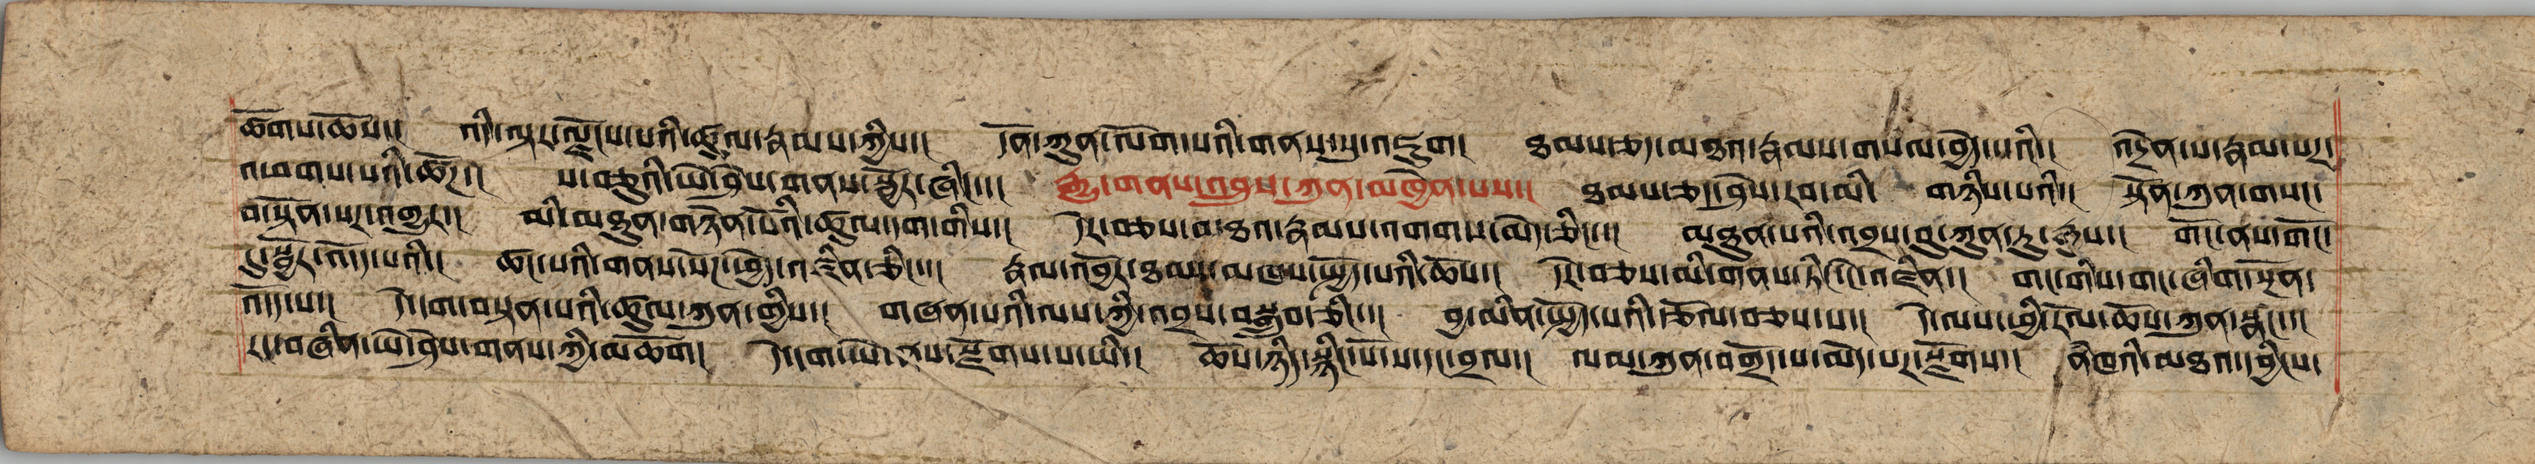ཚོགས་ཆོས་། འདི་ལྟར་ལྗོངས་པའི་ཚུལ་རྣམས་ཀྱིས་། དོན་ཀུན་ལོག་པའི་གནས་སུ་འཇུག། ཐམས་ཅད་མཐའ་རྣམས་གསལ་བྱེད་པའི་། འདྲེན་པ་རྣམ་པར་
འཕགས་པའི་ཚོཌ་། ས་བཅུའི་ཡེ་ཤེས་གནས་སྦྱོར་ཞིང་་། རྒྱུ་གནས་འབྲུས་ཀུན་མཁྱེན་པས་། ཐམས་ཅད་ཤེས་རབ་མི་ གཉིས་པའི་། སྟོན་ཀུན་གསང་
བ་སྟོན་པར་འགྱུར་། མི་མཐུན་གཉེན་པོའི་ཚུལ་དག་གིས་། དེར་བཅས་མཐའ་རྣམས་འགགས་མེད་ཅིང་་། མཐུན་པའི་འབྲས་བུ་ཀུན་ཏུ་རྒྱུས་། གོང་ནས་གོང་
དུ་སྦྱོར་འདོད་པའི་། ཚང་པའི་གནས་སོཌ་ཕྱེད་འཛིན་ཅིང་་། རྣལ་འབྱོར་་ཐབས་མཁས་སྤྱོད་པའི་ཆོས་། དེར་བཅས་མི་གནས་ཏིང་ངེ་འཛིན་། གང་གིས་གང་ཞིག་སྔོན་
འདོད་པ་། དེ་དག་བསྟན་པའི་ཚུལ་ཀུན་གྱིས་། གཞན་པའི་ལས་ཀྱི་འབྲས་བསྒྲུབ་ཅིང་་། བྱ་མིན་སྤྱོད་པའི་རྩོལ་བཅས་པ་། དེ་ལས་ཕྱི་རོལ་ཆོས་ཀུན་སྣང་་།
རང་བཞིན་ཡེ་ཤེས་གནས་ཀྱི་མཆོག། དེ་དག་ཡེ་ནས་སྫོགས་པ་ཡི་། ཆོས་ཉིད་སྙིང་པོ་ས་དང་བྲལ་། ལམ་ཀུན་བགྲོད་པ་མེད་པར་སྫོགས་། ནཾཁའི་མཐའ་དབྱིངས་